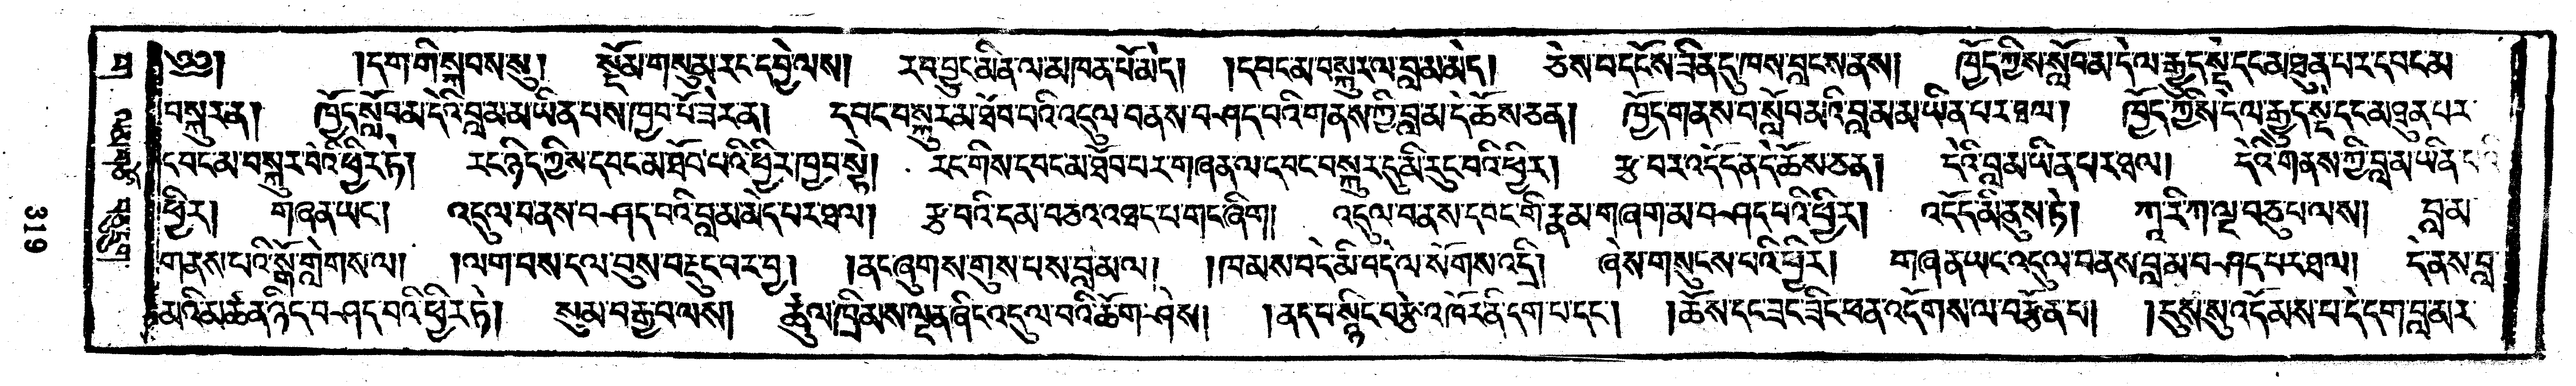༄༅། །དག་གི་སྐབས་སུ། སྡོམ་གསུམ་རང་དབྱེ་ལས། རབ་བྱུང་མིན་ལ་མཁན་པོ་མེད། །དབང་མ་བསྐུར་ལ་བླ་མ་མེད། ཅེས་བ་དངོས་ཟིན་དུ་ཁས་བླངས་ནས། ཁྱོད་ཀྱིས་སློབ་མ་དེ་ལ་རྒྱུད་སྡེ་དང་མཐུན་པར་དབང་མ་
བསྐུར་ན། ཁྱོད་སློབ་མ་དེའི་བླ་མ་མ་ཡིན་པས་ཁྱབ་པོ་ཟེར་ན། དབང་བསྐུར་མ་ཐོབ་པའི་འདུལ་བ་ནས་བཤད་པའི་གནས་ཀྱི་བླ་མ་དེ་ཆོས་ཅན། ཁྱོད་གནས་བ་སློབ་མའི་བླ་མ་མ་ཡིན་པར་ཐལ། ཁྱོད་ཀྱིས་དེ་ལ་རྒྱུད་སྡེ་དང་མཐུན་པར་
དབང་མ་བསྐུར་བའི་ཕྱིར་ཏེ། རང་ཉིད་ཀྱིས་དབང་མ་ཐོབ་པའི་ཕྱིར་ཁྱབ་སྟེ། རང་གིས་དབང་མ་ཐོབ་པར་གཞན་ལ་དབང་བསྐུར་དུ་མི་རུང་བའི་ཕྱིར། རྩ་བར་འདོད་ན་དེ་ཆོས་ཅན། དེའི་བླ་མ་ཡིན་པར་ཐལ། དེའི་གནས་ཀྱི་བླ་མ་ཡིན་པའི་
ཕྱིར། གཞན་ཡང་། འདུལ་བ་ནས་བཤད་པའི་བླ་མ་མེད་པར་ཐལ། རྩ་བའི་དམ་བཅའ་འཐད་པ་གང་ཞིག། འདུལ་བ་ནས་དབང་གི་རྣམ་གཞག་མ་བཤད་པའི་ཕྱིར། འདོད་མི་ནུས་ཏེ། ཀཱ་རི་ཀ་ལྔ་བཅུ་པ་ལས། བླ་མ་
གནས་པའི་སྒོ་གླེགས་ལ། །ལག་པས་དལ་བུས་བརྡུང་བར་བྱ། །ནང་ཞུགས་གུས་པས་བླ་མ་ལ། །ཁམས་བདེ་མི་བདེ་ལ་སོགས་འདྲི། ཞེས་གསུངས་པའི་ཕྱིར། གཞན་ཡང་འདུལ་བ་ནས་བླ་མ་བཤད་པར་ཐལ། དེ་ནས་བླ་
མའི་མཚན་ཉིད་བཤད་པའི་ཕྱིར་ཏེ། སུམ་བརྒྱ་བ་ལས། ཚུལ་ཁྲིམས་ལྡན་ཞིང་འདུལ་བའི་ཆོ་ག་ཤེས། །ནད་པ་སྙིང་བརྩེ་འཁོར་ནི་དག་པ་དང་། །ཆོས་དང་ཟང་ཟིང་ཕན་འདོགས་ལ་བརྩོན་པ། །དུས་སུ་འདོམས་པ་དེ་དག་བླ་མར་